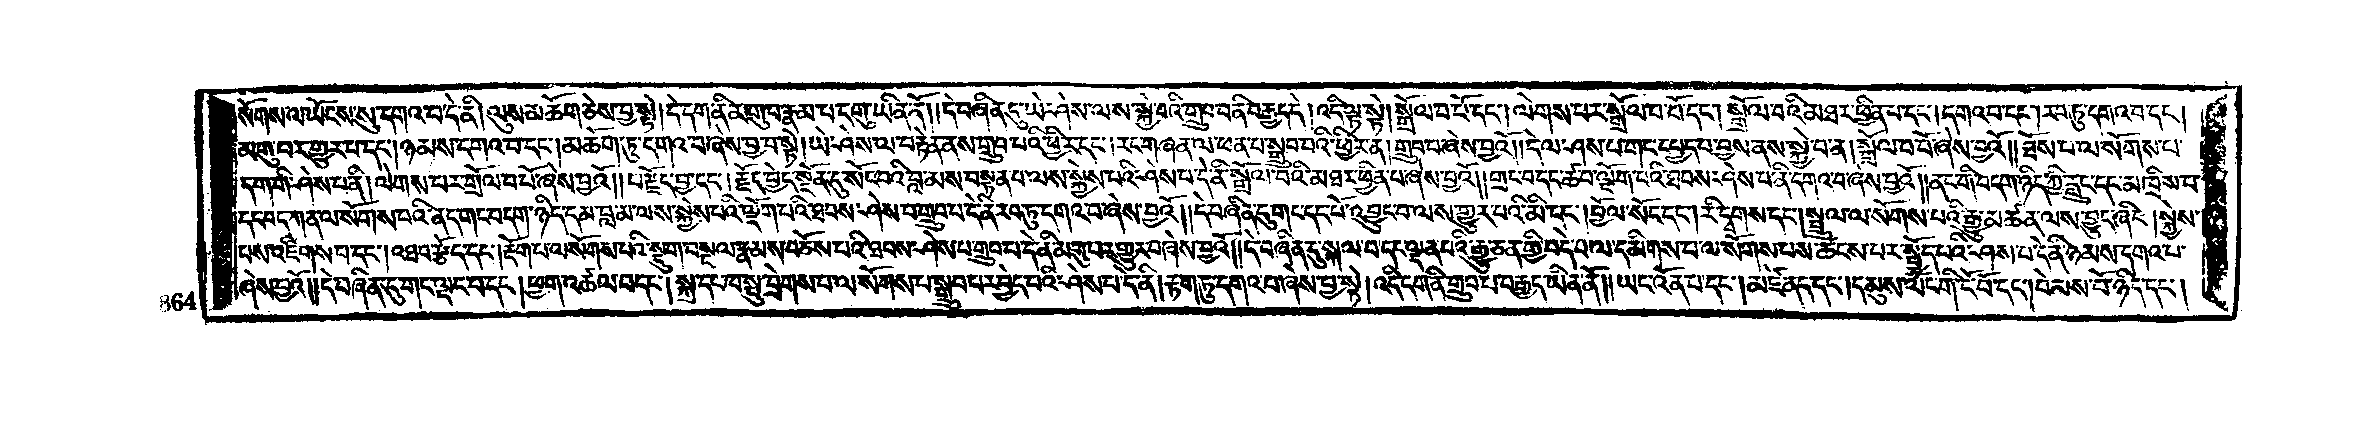སོགས་ལ་ཡོངས་སུ་དགའ་བ་དེ་ནི། ལུས་མཆོག་ཅེས་བྱ་སྟེ། དེ་དག་ནི་མགུ་བ་རྣམ་པ་དགུ་ཡིན་ནོ། །དེ་བཞིན་དུ་ཡེ་ཤེས་ལས་སྐྱེ་བའི་གྲུབ་བ་ནི་བརྒྱད་དེ། འདི་ལྟ་སྟེ། སྒྲོལ་བ་པོ་དང་། ལེགས་པར་སྒྲོལ་བ་པོ་དང་། སྒྲོལ་བའི་མཐར་ཕྱིན་པ་དང་། དགའ་བ་དང་། རབ་ཏུ་དགའ་བ་དང་།
མགུ་བར་གྱུར་པ་དང་། ཉམས་དགའ་བ་དང་། མཆོག་ཏུ་དགའ་བ་ཞེས་བྱ་བ་སྟེ། ཡེ་ཤེས་ལ་བརྟེན་ནས་གྲུབ་པའི་ཕྱིར་དང་། རང་གཞན་ལ་ཕན་པ་སྒྲུབ་པའི་ཕྱིར་ན། གྲུབ་པ་ཞེས་བྱའོ། །དེ་ལ་ཤེས་པ་གང་དཔྱད་པ་བྱས་ནས་སྐྱེ་བ་ན། སྒྲོལ་བ་པོ་ཞེས་བྱའོ། །ཐོས་པ་ལ་སོགས་པ་
དག་གི་ཤེས་པ་ནི། ལེགས་པར་གྲོལ་བ་པོ་ཞེས་བྱའོ། །བརྗོད་བྱ་དང་། རྗོད་བྱེད་སྔོན་དུ་སོང་བའི་བླ་མས་བསྟན་པ་ལས་སྐྱེས་པའི་ཤེས་པ་དེ་ནི་སྒྲོལ་བའི་མཐར་ཕྱིན་པ་ཞེས་བྱའོ། །གྲང་བ་དང་ཚ་བ་ལྡོག་པའི་ཐབས་ཤེས་པ་ནི་དགའ་བ་ཞེས་བྱའོ། །ནང་གི་བདག་ཉིད་ཀྱི་རླུང་དང་མཁྲིས་པ་
དང་བད་ཀན་ལ་སོགས་པའི་ནད་གང་བདག་ཉིད་དམ་བླ་མ་ལས་སྐྱེས་པའི་ལྡོག་པའི་ཐབས་ཤེས་པ་གྲུབ་པ་དེ་ནི་རབ་ཏུ་དགའ་བ་ཞེས་བྱའོ། །དེ་བཞིན་དུ་གང་དང་པོ་འབྱུང་བ་ལས་གྱུར་པའི་མི་དང་། བྱོལ་སོང་དང་། རི་དྭགས་དང་། སྦྲུལ་ལ་སོགས་པའི་རྒྱུ་མཚན་ལས་བྱུང་ཞིང་། སྐྱེས་
པས་འཇིགས་པ་དང་། འཐབ་རྩོད་དང་། རྡོག་པ་ལ་སོགས་པའི་སྡུག་བསྔལ་རྣམས་བཅོས་པའི་ཐབས་ཤེས་པ་གྲུབ་པ་དེ་ནི་མགུ་པར་གྱུར་བ་ཞེས་བྱའོ། །དེ་བཞིན་དུ་སྐལ་བ་དང་ལྡན་པའི་རྒྱུ་ཅན་གྱི་བདེ་བ་ལ་དམིགས་པ་ལ་སོགས་པས་ཚངས་བར་སྤྱོད་པའི་ཤས་པ་དེ་ནི་ཉམས་དགའ་བ་
ཞེས་བྱའོ། །དེ་བཞིན་དུ་གང་ལྡང་བ་དང་། ཕྱག་འཚལ་བ་དང་། སྐྲ་དང་ཁ་སྤུ་བྲེགས་པ་ལ་སོགས་པ་སྒྲུབ་པར་བྱེད་པའི་ཤེས་པ་དེ་ནི། རྟག་ཏུ་དགའ་བ་ཞེས་བྱ་སྟེ། འདི་དག་ནི་གྲུབ་པ་བརྒྱད་ཡིན་ནོ། །ཡང་འོན་པ་དང་། མཛེ་ནད་དང་། དམུས་ལོང་གི་ངོ་བོ་དང་། བེམས་པོ་ཉིད་དང་།